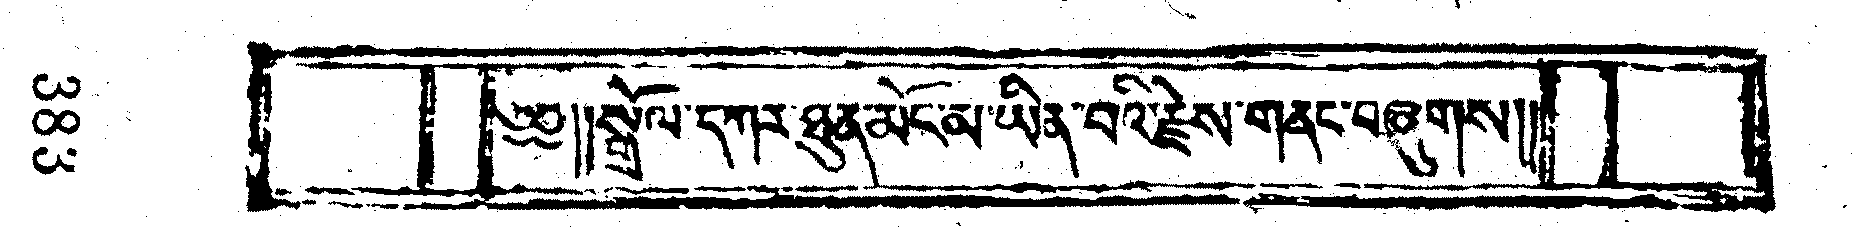༄༅། །སྒྲོལ་དཀར་ཐུན་མོང་མ་ཡིན་བའི་རྗེས་གནང་བཞུགས།།